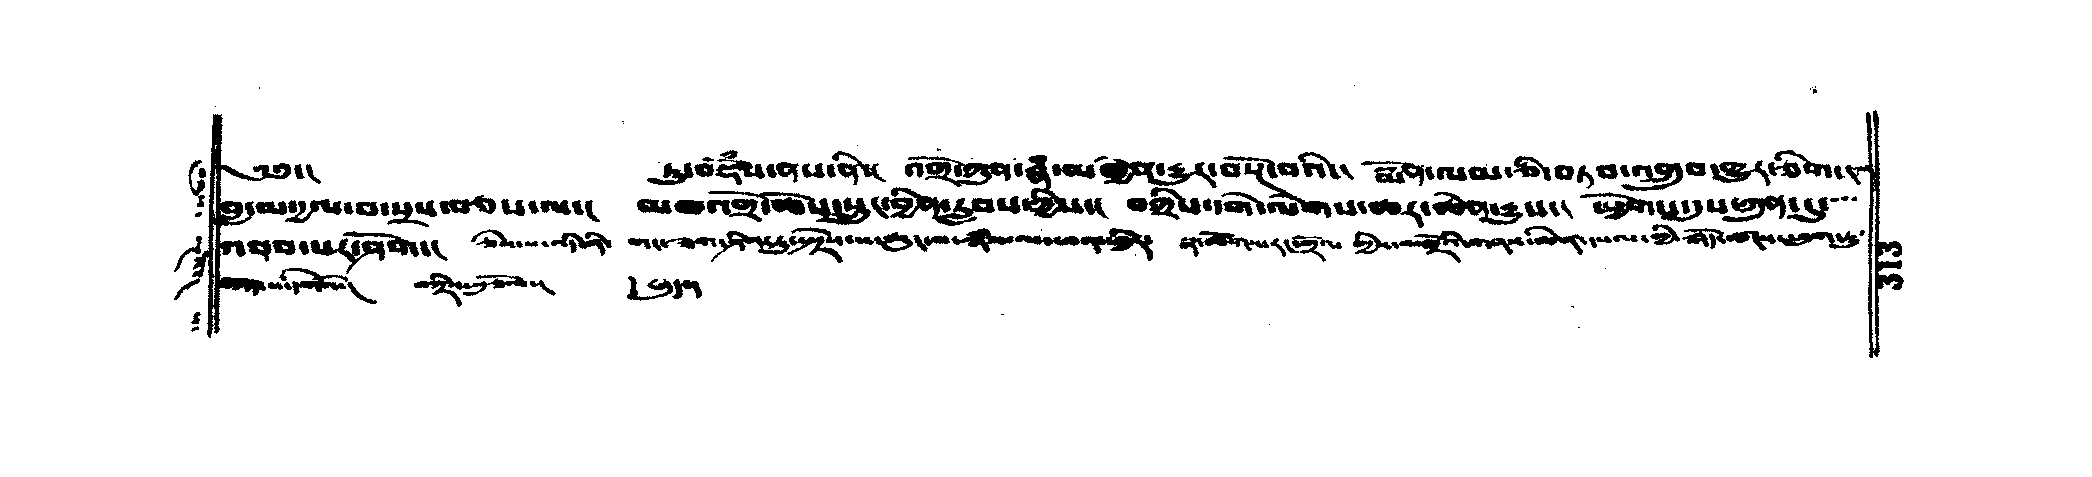ཏུ་བསྡོམས་ནས་ནི། །འགྲོ་ཀུན་རྣམ་མཁྱེན་རྒྱུར་བསྔོ་བའི། །སྨོན་ལམ་ཅི་བཏབ་འགྲུབ་གྱུར་ཅིག་
བླ་མ་རྒྱལ་བ་སྲས་བཅས་ལ། །མཁའ་འགྲོ་ཆོས་སྲུང་བྱིན་རླབས་ཀྱིས། །བཀྲ་ཤིས་དགེ་ལེགས་ཆར་ཆེན་རྒྱུས། །ཕྱོགས་དུས་ཀུན་དུ་
འབབ་པར་ཤོག་ཅེས་པ་འདི་ནི། གང་ཟག་ཤིན་ཏུ་སྤྲོས་པ་ཆུང་བ་རྣམས་ལ་ཕན་ཕྱིར། སྣ་ཚོགས་རང་གྲོལ་གྱིས་མཁའ་འགྲོའི་གནས་ཆེན་དཔལ་གྱི་རྒོད་ཚང་ཕུག་ཏུ་
བཀོད་པ་དགེའོ། བཀྲ་ཤིས་སྩོལ།